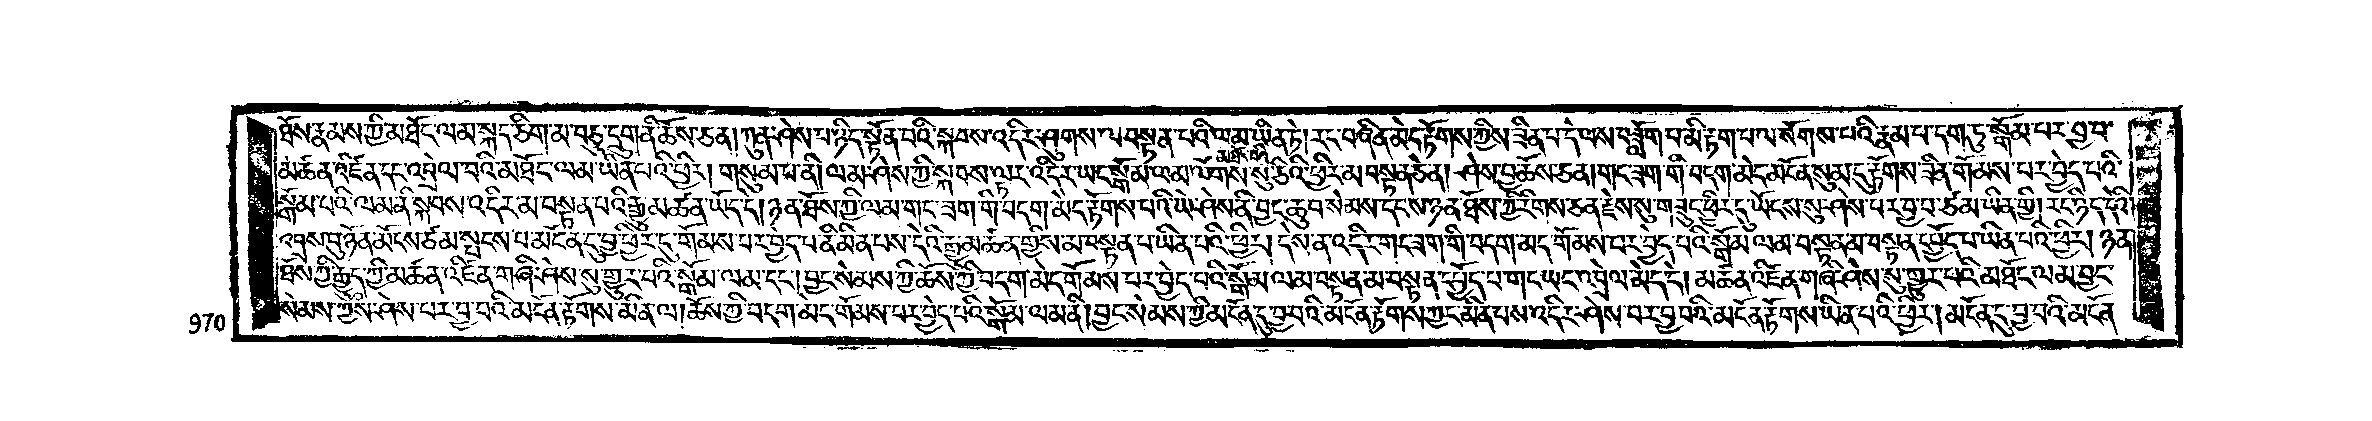ཐོས་རྣམས་ཀྱི་མཐོང་ལམ་སྐད་ཅིག་མ་བཅུ་དྲུག་ནི་ཆོས་ཅན། ཀུན་ཤེས་པ་ཉིད་སྟོན་པའི་སྐབས་འདིར་ཤུགས་ལ་བསྟན་པའི་མཐོང་བའི་ལམ་ཡིན་ཏེ། རང་བཞིན་མེད་རྟོགས་ཀྱིས་ཟིན་པ་དེ་ལས་བཟློག་པ་མི་རྟག་པ་ལ་སོགས་པའི་རྣམ་པ་དག་ཏུ་སྒོམ་པར་བྱ་བ་
མཚན་འཛིན་དང་འབྲེལ་བའི་མཐོང་ལམ་ཡིན་པའི་ཕྱིར། གསུམ་པ་ནི། ལམ་ཤེས་ཀྱི་སྐབས་ལྟར་འདིར་ཡང་སྒོམ་ལམ་ལོགས་སུ་ཅིའི་ཕྱིར་མ་བསྟན་ཅེ་ན། ཤེས་བྱ་ཆོས་ཅན། གང་ཟག་གི་བདག་མེད་མངོན་སུམ་དུ་རྟོགས་ཟིན་གོམས་པར་བྱེད་པའི་
སྒོམ་པའི་ལམ་ནི་སྐབས་འདིར་མ་བསྟན་པའི་རྒྱུ་མཚན་ཡོད་དེ། ཉན་ཐོས་ཀྱི་ལམ་གང་ཟག་གི་བདག་མེད་རྟོགས་པའི་ཡེ་ཤེས་ནི་བྱང་ཆུབ་སེམས་དང་ས་ཉན་ཐོས་ཀྱི་རིགས་ཅན་རྗེས་སུ་གཟུང་ཕྱིར་དུ་ཡོངས་སུ་ཤེས་པར་བྱ་བ་ཙམ་ཡིན་གྱི། རང་ཉིད་དེའི་
འབྲས་བུ་ཉོན་མོངས་ཙམ་སྤངས་པ་མངོན་དུ་བྱ་ཕྱིར་དུ་གོམས་པར་བྱེད་པ་ནི་མིན་པས་དེའི་རྒྱུ་མཚན་གྱིས་མ་བསྟན་པ་ཡིན་པའི་ཕྱིར། དེས་ན་འདིར་གང་ཟག་གི་བདག་མེད་གོམས་པར་བྱེད་པའི་སྒོམ་ལམ་བསྟན་མ་བསྟན་དཔྱོད་པ་ཡིན་པའི་ཕྱིར། ཉན་
ཐོས་ཀྱི་རྒྱུད་ཀྱི་མཚན་འཛིན་གཞི་ཤེས་སུ་གྱུར་པའི་སྒོམ་ལམ་དང་། བྱང་སེམས་ཀྱི་ཆོས་ཀྱི་བདག་མེད་གོམས་པར་བྱེད་པའི་སྒོམ་ལམ་བསྟན་མ་བསྟན་དཔྱོད་པ་གང་ཡང་འབྲེལ་མེད་དེ། མཚན་འཛིན་གཞི་ཤེས་སུ་གྱུར་པའི་མཐོང་ལམ་བྱང་
སེམས་ཀྱིས་ཤེས་པར་བྱ་བའི་མངོན་རྟོགས་མིན་ལ། ཆོས་ཀྱི་བདག་མེད་གོམས་པར་བྱེད་པའི་སྒོམ་ལམ་ནི། བྱང་སེམས་ཀྱི་མངོན་དུ་བྱ་ནྦའི་མངོན་རྟོགས་ཀྱང་མིན་པས་འདིར་ཤེས་པར་བྱ་བའི་མངོན་རྟོགས་ཡིན་པའི་ཕྱིར། མངོན་དུ་བྱ་བའི་མངོན་